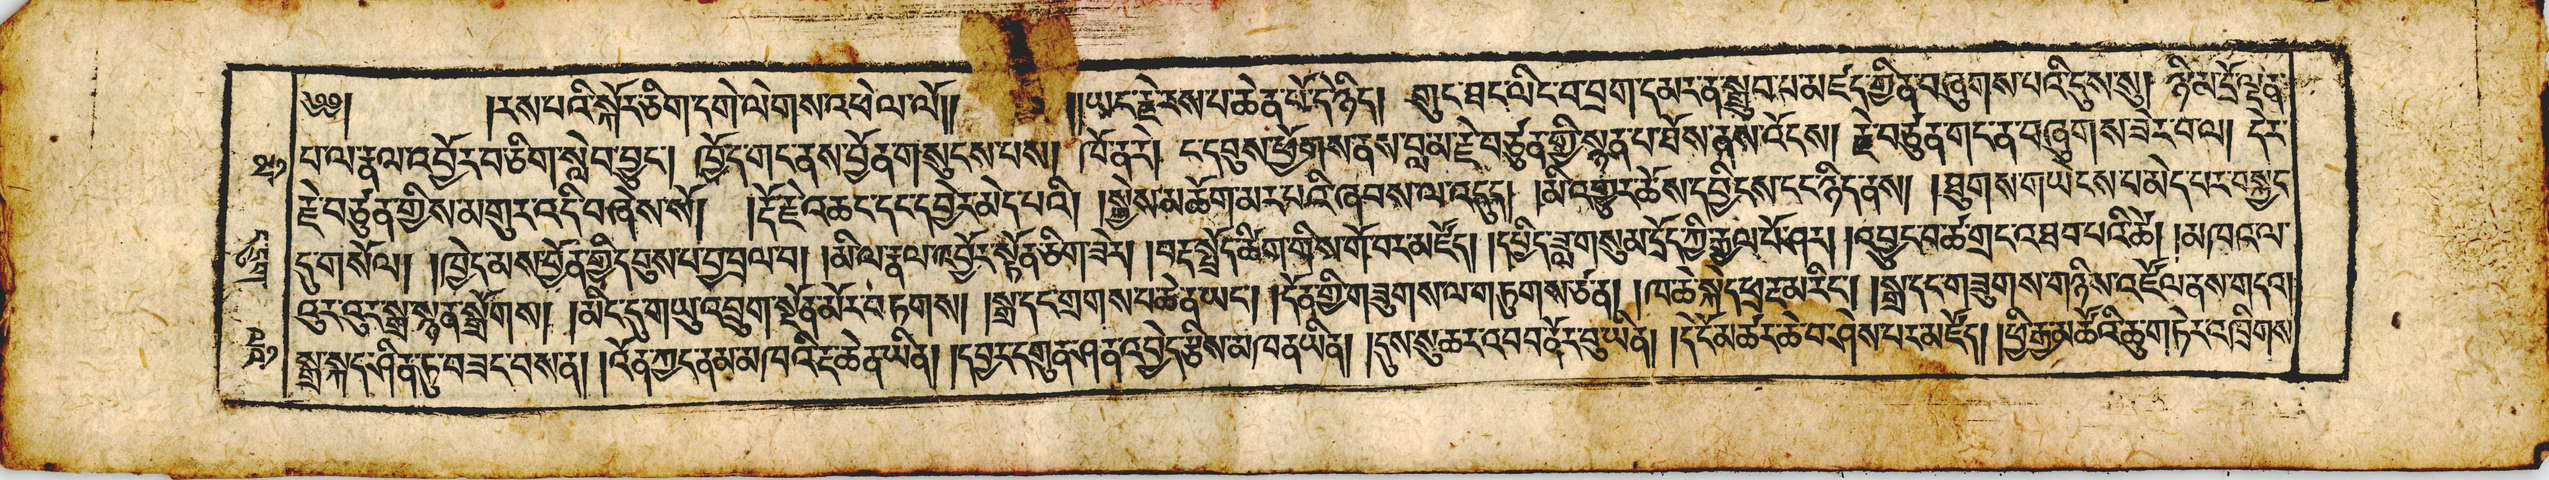རས་པའི་སྐོར་ཅིག་དགེ་ལེགས་འཕེལ་ལོ།། །།ཡང་རྗེ་རས་པ་ཆེན་པོ་དེ་ཉིད། གུང་ཐང་ལིང་བ་བྲག་དམར་ན་སྒྲུབ་པ་མཛད་ཀྱིན་བཞུགས་པའི་དུས་སུ། ཉི་མ་དྲོ་ལྡན་
པ་ལ་རྣལ་འབྱོར་བ་ཅིག་སླེབ་བྱུང་། ཁྱོད་གང་ནས་བྱོན་གསུངས་པས། ཁོ་ན་རེ། ང་དབུས་ཕྱོགས་ནས་བླ་མ་རྗེ་བཙུན་གྱི་སྙན་པ་ཐོས་ནས་འོངས། རྗེ་བཙུན་གང་ན་བཞུགས་ཟེར་བ་ལ། དེར་
རྗེ་བཙུན་གྱིས་མགུར་འདི་བཞེས་སོ། །རྡོ་རྗེ་འཆང་དང་དབྱེར་མེད་པའི། །སྐྱེས་མཆོག་མར་པའི་ཞབས་ལ་འདུད། །མི་འགྱུར་ཆོས་དབྱིངས་ངང་ཉིད་ནས། །ཐུགས་གཡེངས་པ་མེད་པར་བསྐྱེད་
དུ་གསོལ། །ཁྱེད་མས་བྱོན་གྱི་དབུས་པ་བྱ་བྲལ་བ། །མི་ལ་རྣལ་འབྱོར་སྟོན་ཅིག་ཟེར། །བརྡ་སྤྲོད་ཚིག་གིས་གོ་བར་མཛོད། །དཔྱིད་ཟླ་གསུམ་དྲོད་ཀྱི་རྒྱལ་པོ་ཤར། །འབྱུང་བ་ཚ་གྲང་འཐབ་པའི་ཚེ། །མཁའ་ལ་
ཁུར་བུར་སྒྲ་སྙན་སྒྲོགས། །མིང་དུ་གཡུ་འབྲུག་སྔོན་མོར་བཏགས། །སྒྲ་དང་གྲགས་པ་ཆེ་ན་ཡང་། །དོན་གྱི་གཟུགས་ལ་གཏུགས་ཙ་ན། །ཁ་ཆེ་སྐེད་ཕྲ་རྔ་མ་རིང་། །སྒྲ་དང་གཟུགས་གཉིས་འཛོལ་ནས་གདའ། །
སྒྲ་སྐད་ཤིན་ཏུ་བཟང་བསན། །འོན་ཀྱང་ནམ་མཁའི་རྔ་ཆེན་ཡིན། །དབྱར་དགུན་ཤན་འབྱེད་རྩིས་མཁན་ཡིན། །དུས་སུ་ཆར་འབབ་ནོར་བུ་ཡིན། །དེ་ངོ་མཚར་ཆེ་བ་ཤེས་པར་མཛོད། །ཕྱི་རྒྱ་མཚོའི་ཆུ་གཏེར་འཁྲིགས་